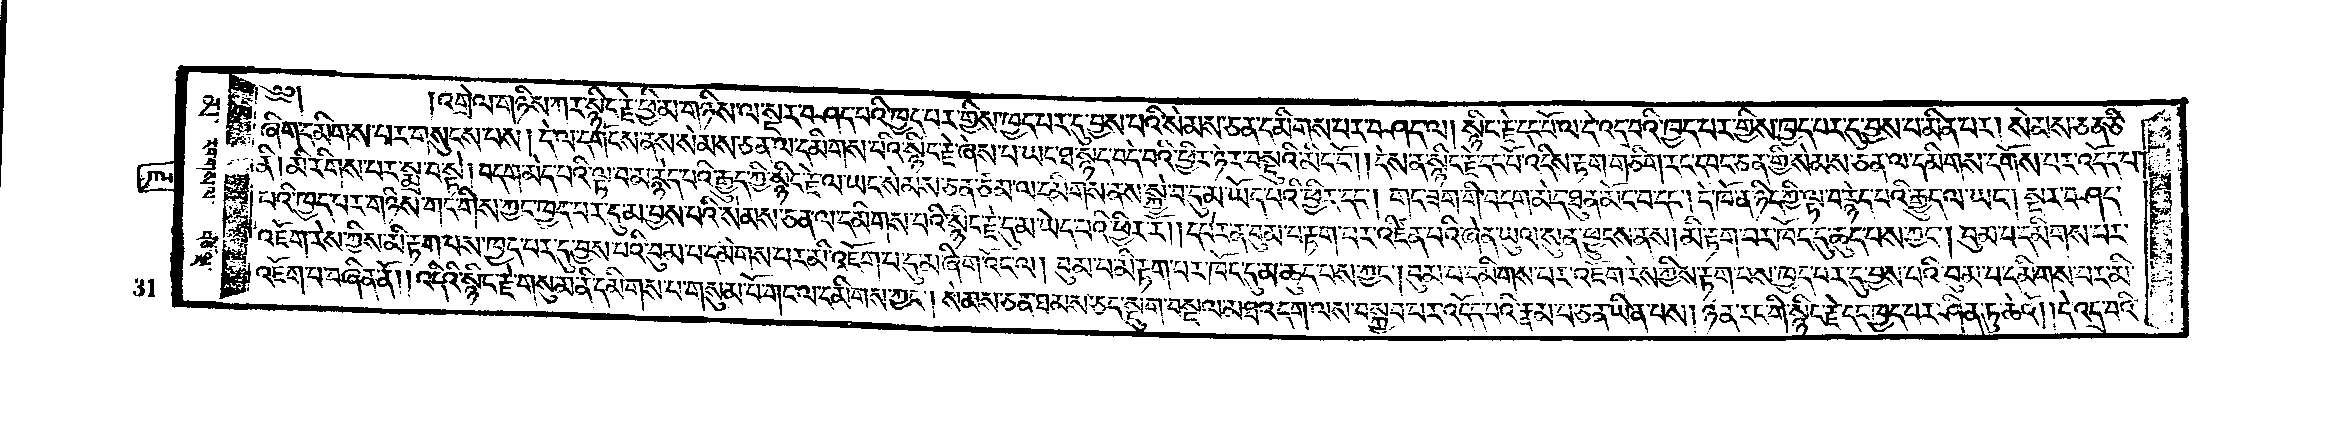༄༅། །འགྲེལ་གཉིས་ཀར་སྙིང་རྗེ་ཕྱི་མ་གཉིས་ལ་སྔར་བཤད་པའི་ཁྱད་པར་གྱིས་ཁྱད་པར་དུ་བྱས་པའི་སེམས་ཅན་དམིགས་པར་བཤད་ལ། སྙིང་རྗེ་དང་པོ་ལ་དེ་འདྲ་བའི་ཁྱད་པར་གྱིས་ཁྱད་པར་དུ་བྱས་པ་མིན་པར། སེམས་ཅན་ཅི་
ཞིག་དམིགས་པར་གསུངས་པས། དེ་ལ་དགོངས་ནས་སེམས་ཅན་ལ་དམིགས་པའི་སྙིང་རྗེ་ཞེས་པ་ཡང་ཐ་སྙད་བདེ་བའི་ཕྱིར་ཉེར་བསྡུའི་མིང་ངོ། །དེས་ན་སྙིང་རྗེ་དང་པོ་འདིས་རྟག་གཅིག་རང་དབང་ཅན་གྱི་སེམས་ཅན་ལ་དམིགས་དགོས་པར་འདོད་པ་
ནི། མི་རིགས་པར་སྨྲ་བ་སྟེ། བདག་མེད་པའི་ལྟ་བ་མ་རྙེད་པའི་རྒྱུད་ཀྱི་སྙིང་རྗེ་ལ་ཡང་སེམས་ཅན་ཙམ་ལ་དམིགས་ནས་སྐྱེ་བ་དུ་མ་ཡོད་པའི་ཕྱིར་དང་། གང་ཟག་གི་བདག་མེད་ཐུན་མོང་བ་དང་། དེ་ཁོ་ན་ཉིད་ཀྱི་ལྟ་བ་རྙེད་པའི་རྒྱུད་ལ་ཡང་། སྔར་བཤད་
པའི་ཁྱད་པར་གཉིས་གང་གིས་ཀྱང་ཁྱད་པར་དུ་མ་བྱས་པའི་སེམས་ཅན་ལ་དམིགས་པའི་སྙིང་རྗེ་དུ་མ་ཡོད་པའི་ཕྱིར་རོ། །དཔེར་ན་བུམ་པ་རྟག་པར་འཛིན་པའི་ཞེན་ཡུལ་སུན་ཕྱུངས་ནས། མི་རྟག་པར་ཁོང་དུ་ཆུད་པས་ཀྱང་། བུམ་པ་དམིགས་པར་
འཇོག་རེས་ཀྱིས་མི་རྟག་པས་ཁྱད་པར་དུ་བྱས་པའི་བུམ་པ་དམིགས་པར་མི་འཇོག་པ་དུ་མ་ཞིག་འོང་ལ། བུམ་པ་མི་རྟག་པར་ཁོང་དུ་ཆུད་པས་ཀྱང་། བུམ་པ་དམིགས་པར་འཇོག་རེས་ཀྱིས་རྟག་པས་ཁྱད་པར་དུ་བྱས་པའི་བུམ་པ་དམིགས་པར་མི་
འཇོག་པ་བཞིན་ནོ། །འདིའི་སྙིང་རྗེ་གསུམ་ནི་དམིགས་པ་གསུམ་པོ་གང་ལ་དམིགས་ཀྱང་། སེམས་ཅན་ཐམས་ཅད་སྡུག་བསྔལ་མཐའ་དག་ལས་བསྐྱབ་པར་འདོད་པའི་རྣམ་པ་ཅན་ཡིན་པས། ཉན་རང་གི་སྙིང་རྗེ་དང་ཁྱད་པར་ཤིན་ཏུ་ཆེའོ། །དེ་འདྲ་བའི་